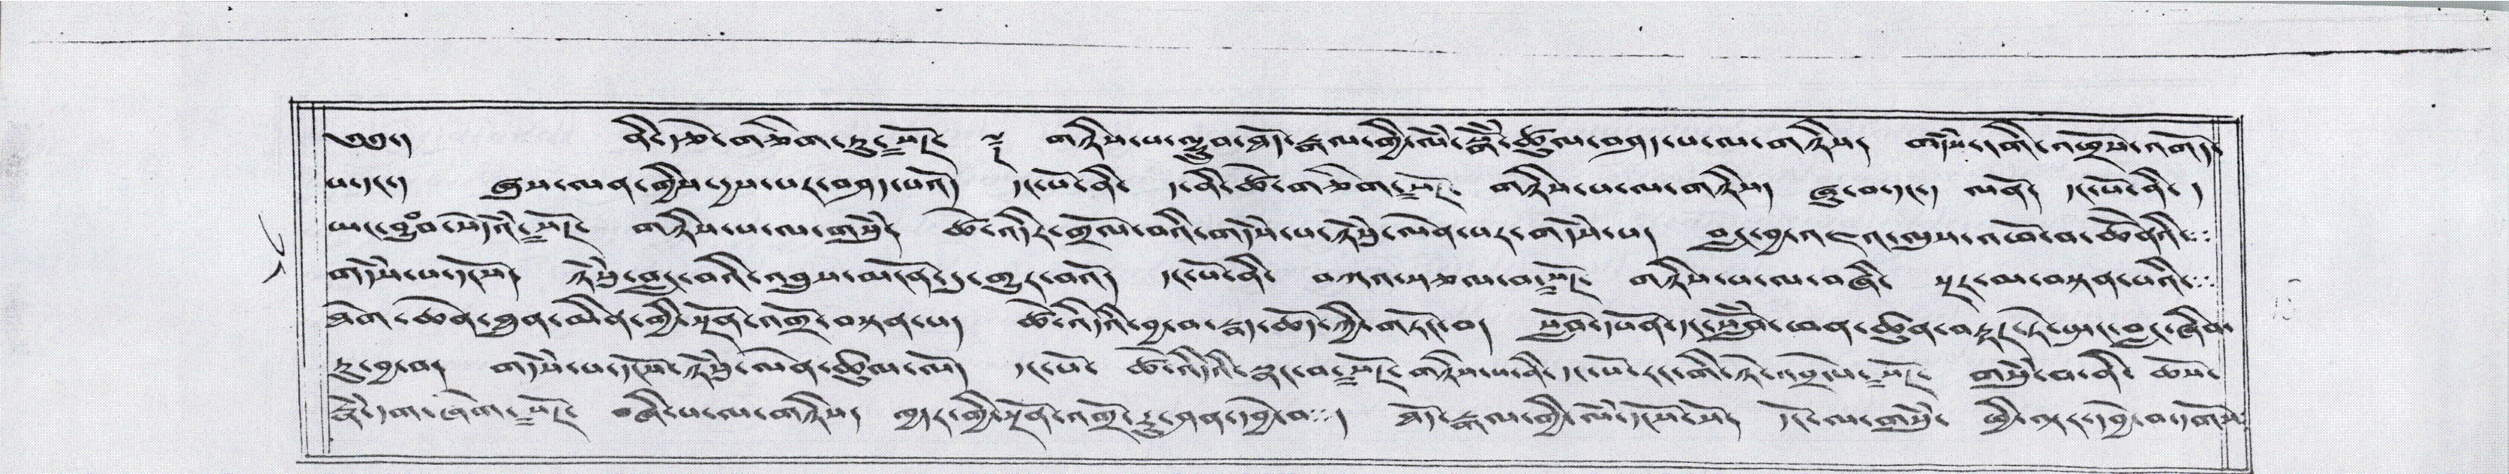ནི་རྩེ་གཅིག་ཏུ་སོགས། ༑ གཉིས་པ་ལྷུན་གྲུབ་ཐོད་རྒལ་གྱི་ལམ་སྒོམ་ཚུལ་བཤད་པ་ལ་གཉིས། གདམས་ངག་གི་འཕྲོས་འགོད་
པ་དང། ཞུས་ལན་གྱིས་རྒྱས་པར་བཤད་པའོ། དང་པོ་ནི། ད་ནི་ཚེ་གཅིག་སོགས། གཉིས་པ་ལ་གཉིས། ཞུ་བ་དང། ལན་ནོ། དང་པོ་ནི། 
ཡང་བྱང་ཆུབ་སེམས་དཔའ་སོགས། གཉིས་པ་ལ་གསུམ། ཚེ་འདིར་གྲོལ་བའི་གདམས་པ་ཉམས་སུ་ལེན་པར་གདམས་པ། བླང་བྱ་འཇའ་ལུས་འཕོ་བ་ཆེན་པོའི་
གདམས་པ་དངོས། ཉམས་སུ་བླང་བའི་འབྲས་བུ་མངོན་དུ་གྱུར་བའོ། དང་པོ་ནི། བཀའ་སྩལ་བ་སོགས། གཉིས་པ་ལ་བཞི། སྔར་མ་བསྟན་པའི་
ཐེག་ཆེན་ཐུན་མིན་གྱི་སྔོན་འགྲོ་བསྟན་པ། ཚེ་འདིའི་བྱ་བ་རྦད་ཆོད་ཀྱི་གཏོང་བ། སློབ་དཔོན་དང་སློབ་མ་ཕན་ཚུན་བརྟགས་ཏེ་སྤང་བླང་ཞིབ་
ཏུ་བྱ་བ། གདམས་པ་དངོས་ཉམས་སུ་ལེན་ཚུལ་ལོ། དང་པོ། ཚེ་འདིའི་སྣང་བ་སོགས་གཉིས་པ་ནི། དང་པོ་རང་གི་ཉེ་འབྲེལ་སོགས། གསུམ་པ་ནི། ཆོས་
རྣམ་དག་ཞིག་སོགས། བཞི་པ་ལ་གཉིས། ཁྱད་པར་གྱི་སྔོན་འགྲོ་རུ་ཤན་དབྱེ་བ། ཐོད་རྒལ་གྱི་ལམ་དངོས་སོ། དང་པོ་ལ་གསུམ། ཕྱི་ལྟར་དབྱེ་བ་དགོས་